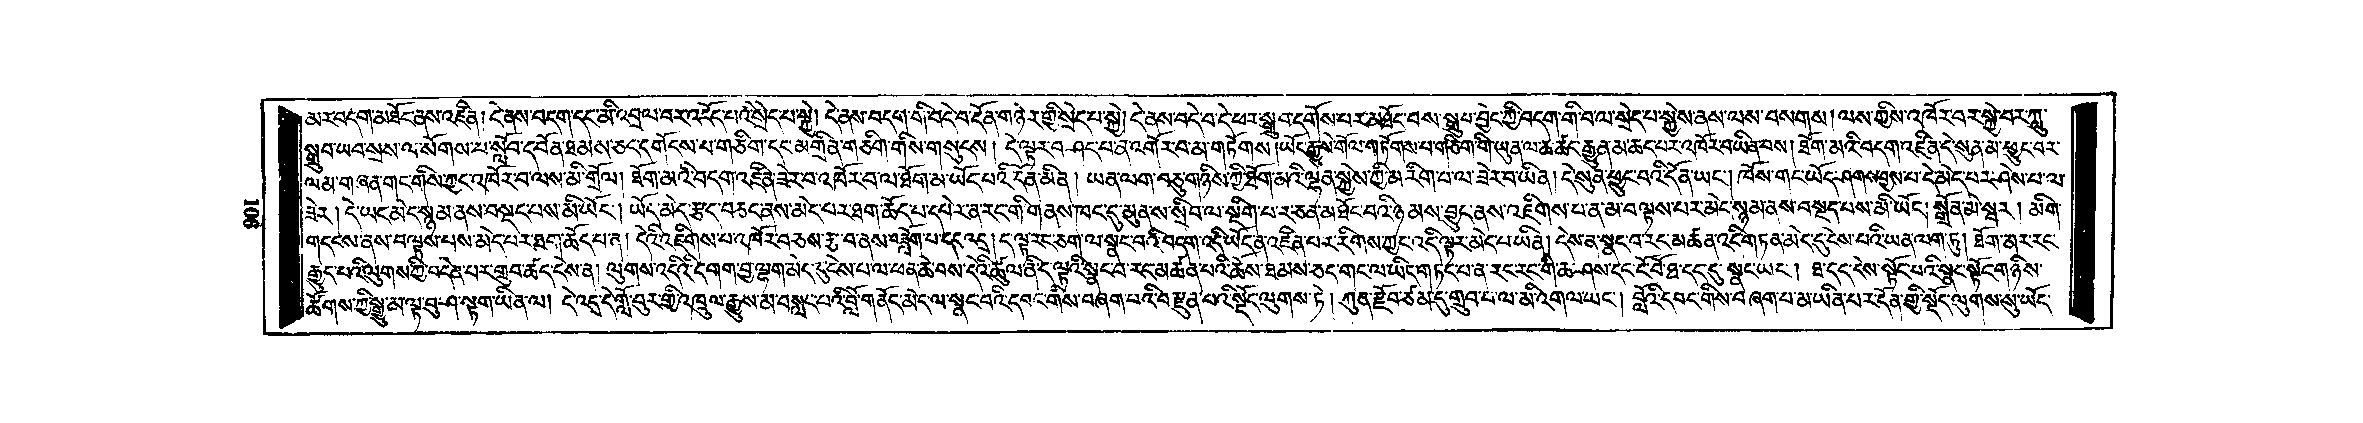མར་བདག་མཐོང་ནས་འཛིན། དེ་ནས་བདག་དང་མི་འབྲལ་བར་འདོད་པའི་སྲེད་པ་སྐྱེ། དེ་ནས་བདག་གི་བདེ་བ་དོན་གཉེར་གྱི་སྲེད་པ་སྐྱེ། དེ་ནས་བདེ་བ་དེ་ཕར་སྒྲུབ་དགོས་པར་མཐོང་བས་སྒྲུབ་བྱེད་ཀྱི་བདག་གི་བ་ལ་སྲེད་པ་སྐྱེས་ནས་ལས་བསགས། ལས་ཀྱིས་འཁོར་བར་སྐྱེ་བར་ཀླུ་
སྒྲུབ་ཡབ་སྲས་ལ་སོགས་པ་སློབ་དཔོན་ཐམས་ཅད་དགོངས་པ་གཅིག་དང་མགྲིན་གཅིག་གིས་གསུངས། དེ་ལྟར་བཤད་པ་ན་འགོར་བ་མ་གཏོགས། ཡོང་རྒྱུ་སེ་གོལ་གཏོགས་པ་གཅིག་གི་ཡུན་ལ་ཆ་ཚང་རྒྱུན་མ་ཆད་པར་འཁོར་བ་ཡིན་པས། ཐོག་མའི་བདག་འཛིན་དེ་སུན་མ་ཕྱུང་བར་
ལམ་གཞན་གང་གིས་ཀྱང་འཁོར་བ་ལས་མི་གྲོལ། ཐོག་མའི་བདག་འཛིན་ཟེར་བ་འཁོར་བ་ལ་ཐོག་མ་ཡོང་པའི་དོན་མིན། ཡན་ལག་བཅུ་གཉིས་ཀྱི་ཐོག་མའི་ལྷན་སྐྱེས་ཀྱི་མ་རིག་པ་ལ་ཟེར་བ་ཡིན། དེ་སུན་ཕྱུང་བའི་དོན་ཡང་། ཁོས་གང་ཡོད་ཤགས་བྱས་པ་དེ་མེད་པར་ཤེས་པ་ལ་
ཟེར། དེ་ཡང་མེད་སྙམ་ནས་བསྡད་པས་མི་ཡོང་། ཡོད་མེད་རྩད་བཅད་ནས་མེད་པར་ཐག་ཆོད་པ་དཔེར་ན་རང་གི་གནས་ཁང་དུ་མུན་ས་སྲིབ་ལ་སྡིག་པ་ར་ཅན་མཐོང་བའི་ཉམས་བྱུང་ནས་འཇིགས་པ་ན་མ་བལྟས་པར་མེད་སྙམ་ནས་བསྡད་པས་མི་ཡོང་། སྒྲོན་མེ་སྦར། མིག་
གདངས་ནས་བལྟས་པས་མེད་པར་ཐག་ཆོད་པ་ན། དེའི་འཇིགས་པ་འཁོར་བཅས་རྩ་བ་ནས་བཟློག་པ་དང་འདྲ། ད་ལྟ་རང་ཅག་ལ་སྣང་བའི་བདག་འདི་ཡོད་ན་འཛིན་པར་རིགས་ཀྱང་འདི་ལྟར་མེད་པ་ཡིན། དེས་ན་སྣང་བ་རང་མཚན་འདི་གཏན་མེད་དུ་ངེས་པའི་ཡན་ལག་ཏུ། ཐོག་མར་རང་
རྒྱུད་པའི་ལུགས་ཀྱི་བདེན་པར་གྲུབ་ཚད་དེས་ན། ལུགས་འདིའི་དགག་བྱ་ལྷག་མེད་དུ་ངེས་པ་ལ་ཕན་ཆེ་བས་དེའི་ཚུལ་ནི་ད་ལྟའི་སྣང་བ་རང་མཚན་པའི་ཆོས་ཐམས་ཅད་གང་ལ་ཡིད་གཏད་པ་ན་རང་རང་གི་ཆ་ཤས་དང་ངོ་བོ་ཐ་དད་དུ་སྣང་ཡང་། ཐ་དད་དེས་སྟོང་པའི་སྣང་སྟོང་གཉིས་
ཚོགས་ཀྱི་སྒྱུ་མ་ལྟ་བུ་ཤ་སྟག་ཡིན་ལ། དེ་འདྲ་དེ་གློ་བུར་གྱི་འཁྲུལ་རྒྱུས་མ་བསླད་པའི་བློ་གནོད་མེད་ལ་སྣང་བའི་དབང་གིས་བཞག་པའི་བརྫུན་པའི་སྡོད་ལུགས་ཏེ། ཀུན་རྫོབ་ཙམ་དུ་གྲུབ་པ་ལ་མི་འགལ་ཡང་། བློའི་དབང་གིས་བཞག་པ་མ་ཡིན་པར་དོན་གྱི་སྡོད་ལུགས་སུ་ཡོད་